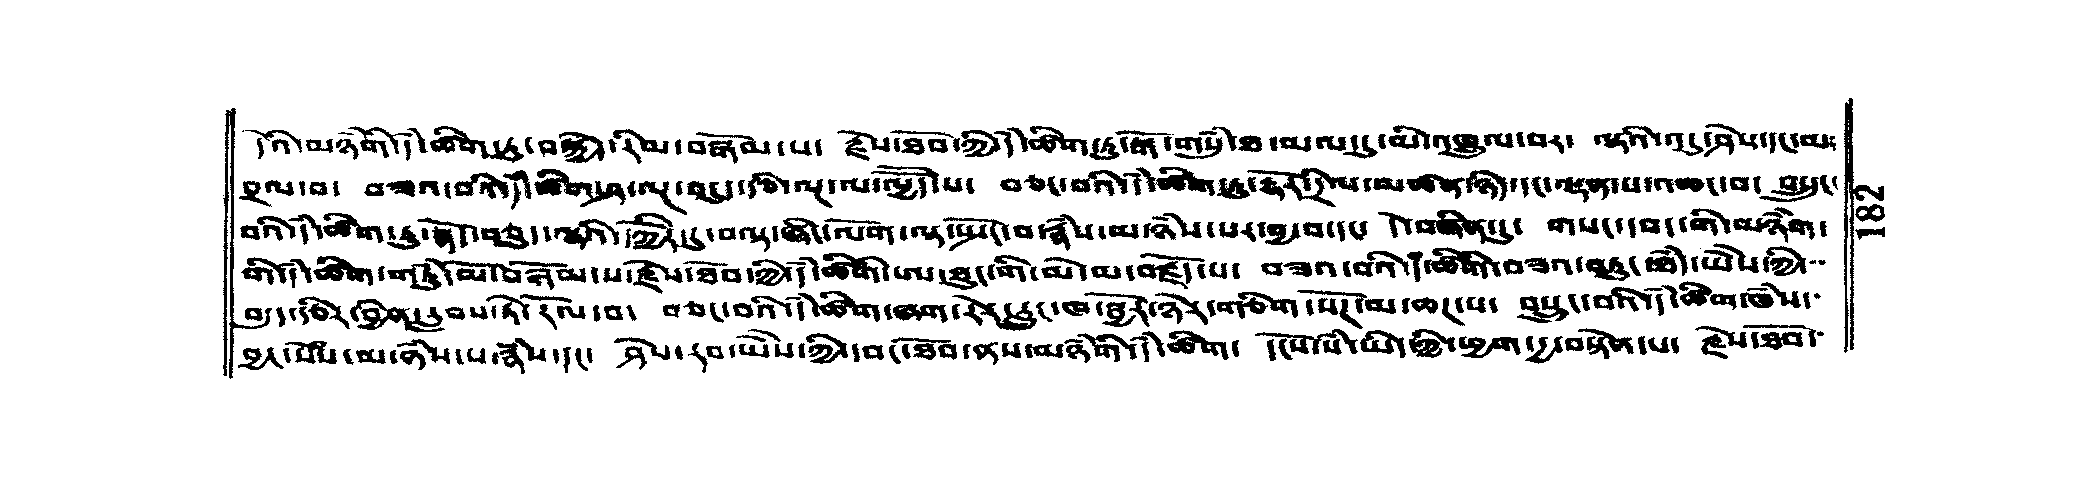དེའི་མཉམ་བཞག་གི་དམ་ཚིག་ཏུ་བསྐྱེད་རིམ་བསྒོམ་པ། རྗེས་ཐོབ་ཀྱི་དམ་ཚིག་ཏུ་སྒོ་གསུམ་ཐ་མལ་དུ་མི་འཁྲུལ་བར། ལྷའི་འདུ་ཤེས་དང་མ་
བྲལ་བ། བཟའ་བའི་དམ་ཚིག་ཤ་ལྔ་བདུད་རྩི་ལྔ་ལ་ལོངས་སྤྱོད་པ། བཅང་བའི་དམ་ཚིག་ཏུ་རྡོར་དྲིལ་མཚན་ཉིད་དང་ལྡན་པ་འཆང་བ། བསྲུང་
བའི་དམ་ཚིག་ཏུ་སྣོད་བཅུད་ལྷའི་དཀྱིལ་འཁོར་དུ་བལྟ་ཞིང་ལོག་ལྟ་སྤོང་བ་རྣམས་མ་ཉམས་པར་བྱ་བ་དང་། དེ་བཞིན་དུ། གསང་དབང་གི་མཉམ་བཞག་
གི་དམ་ཚིག་གཏུམ་མོ་བསྒོམ་པ། རྗེས་ཐོབ་ཀྱི་དམ་ཚིག་ཨ་ཐུང་གི་མེ་མ་བརྗེད་པ། བཟའ་བའི་དམ་ཚིག་བཟའ་བཏུང་ཐམས་ཅད་ཡེ་ཤེས་ཀྱི་
བདུད་རྩིར་བྱིནབརླབས་ཏེ་རོལ་བ།བཅང་བའི་དམ་ཚིག་ཞག་རེར་རླུང་ཁ་སྦྱོར་ཉེར་གཅིག་སོགས་མ་ཆག་པ། བསྲུང་བའི་དམ་ཚིག་ཁམས་
བྱང་སེམས་མ་ཉམས་པ་རྣམས་དང་། ཤེས་རབ་ཡེ་ཤེས་ཀྱི་དབང་ཐོབ་ནས་མཉམ་བཞག་གི་དམ་ཚིག དངོས་སམ་ཡིད་ཀྱི་ཕྱག་རྒྱ་བསྟེན་པ། རྗེས་ཐོབ་